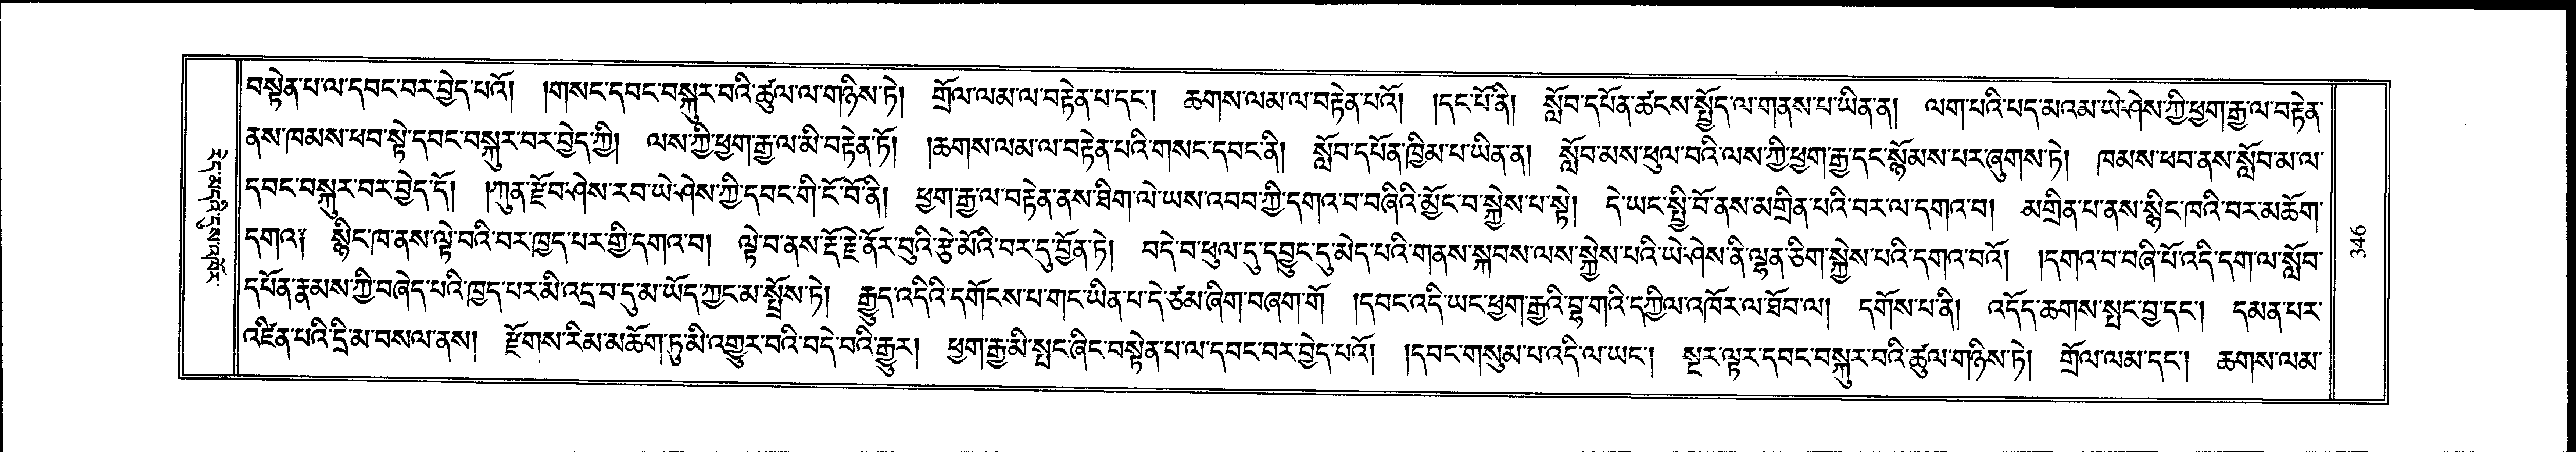བསྟེན་པ་ལ་དབང་བར་བྱེད་པའོ། །གསང་དབང་བསྐུར་བའི་ཚུལ་ལ་གཉིས་ཏེ། གྲོལ་ལམ་ལ་བརྟེན་པ་དང་། ཆགས་ལམ་ལ་བརྟེན་པའོ། །དང་པོ་ནི། སློབ་དཔོན་ཚངས་སྤྱོད་ལ་གནས་པ་ཡིན་ན། ལག་པའི་པད་མའམ་ཡེ་ཤེས་ཀྱི་ཕྱག་རྒྱ་ལ་བརྟེན་
ནས་ཁམས་ཕབ་སྟེ་དབང་བསྐུར་བར་བྱེད་ཀྱི། ལས་ཀྱི་ཕྱག་རྒྱ་ལ་མི་བརྟེན་ཏོ། །ཆགས་ལམ་ལ་བརྟེན་པའི་གསང་དབང་ནི། སློབ་དཔོན་ཁྱིམ་པ་ཡིན་ན། སློབ་མས་ཕུལ་བའི་ལས་ཡི་ཕྱག་རྒྱ་དང་སྙོམས་པར་ཞུགས་ཏེ། ཁམས་ཕབ་ནས་སློབ་མ་ལ་
དབང་བསྐུར་བར་བྱེད་དོ། །ཀུན་རྫོབ་ཤེས་རབ་ཡེ་ཤེས་ཀྱི་དབང་གི་ངོ་བོ་ནི། ཕྱག་རྒྱ་ལ་བརྟེན་ནས་ཐིག་ལེ་ཡས་འབབ་ཀྱི་དགའ་བ་བཞིའི་མྱོང་བ་སྐྱེས་པ་སྟེ། དེ་ཡང་སྤྱི་བོ་ནས་མགྲིན་པའི་བར་ལ་དགའ་བ། མགྲིན་པ་ནས་སྙིང་ཁའི་བར་མཆོག་
དགའ། སྙིང་ཁ་ནས་ལྟེ་བའི་བར་ཁྱད་པར་གྱི་དགའ་བ། ལྟེ་བ་ནས་རྡོ་རྗེ་ནོར་བུའི་རྩེ་མོའི་བར་དུ་བྱོན་ཏེ། བདེ་བ་ཕུལ་དུ་དབྱུང་དུ་མེད་པའི་གནས་སྐབས་ལས་སྐྱེས་པའི་ཡེ་ཤེས་ནི་ལྷན་ཅིག་སྐྱེས་པའི་དགའ་བའོ། །དགའ་བ་བཞི་པོ་འདི་དག་ལ་སློབ་
དཔོན་རྣམས་ཀྱི་བཞེད་པའི་ཁྱད་པར་མི་འདྲ་བ་དུ་མ་ཡོད་ཀྱང་མ་སྤྲོས་ཏེ། རྒྱུད་འདིའི་དགོངས་པ་གང་ཡིན་པ་དེ་ཙམ་ཞིག་བཞག་གོ །དབང་འདི་ཡང་ཕྱག་རྒྱའི་བྷ་གའི་དཀྱིལ་འཁོར་ལ་ཐོབ་ལ། དགོས་པ་ནི། འདོད་ཆགས་སྤང་བྱ་དང་། དམན་པར་
འཛིན་པའི་དྲི་མ་བསལ་ནས། རྫོགས་རིམ་མཆོག་ཏུ་མི་འགྱུར་བའི་བདེ་བའི་རྒྱུར། ཕྱག་རྒྱ་མི་སྤང་ཞིང་བསྟེན་པ་ལ་དབང་བར་བྱེད་པའོ། །དབང་གསུམ་པ་འདི་ལ་ཡང་། སྔར་ལྟར་དབང་བསྐུར་བའི་ཚུལ་གཉིས་ཏེ། གྲོལ་ལམ་དང་། ཆགས་ལམ་